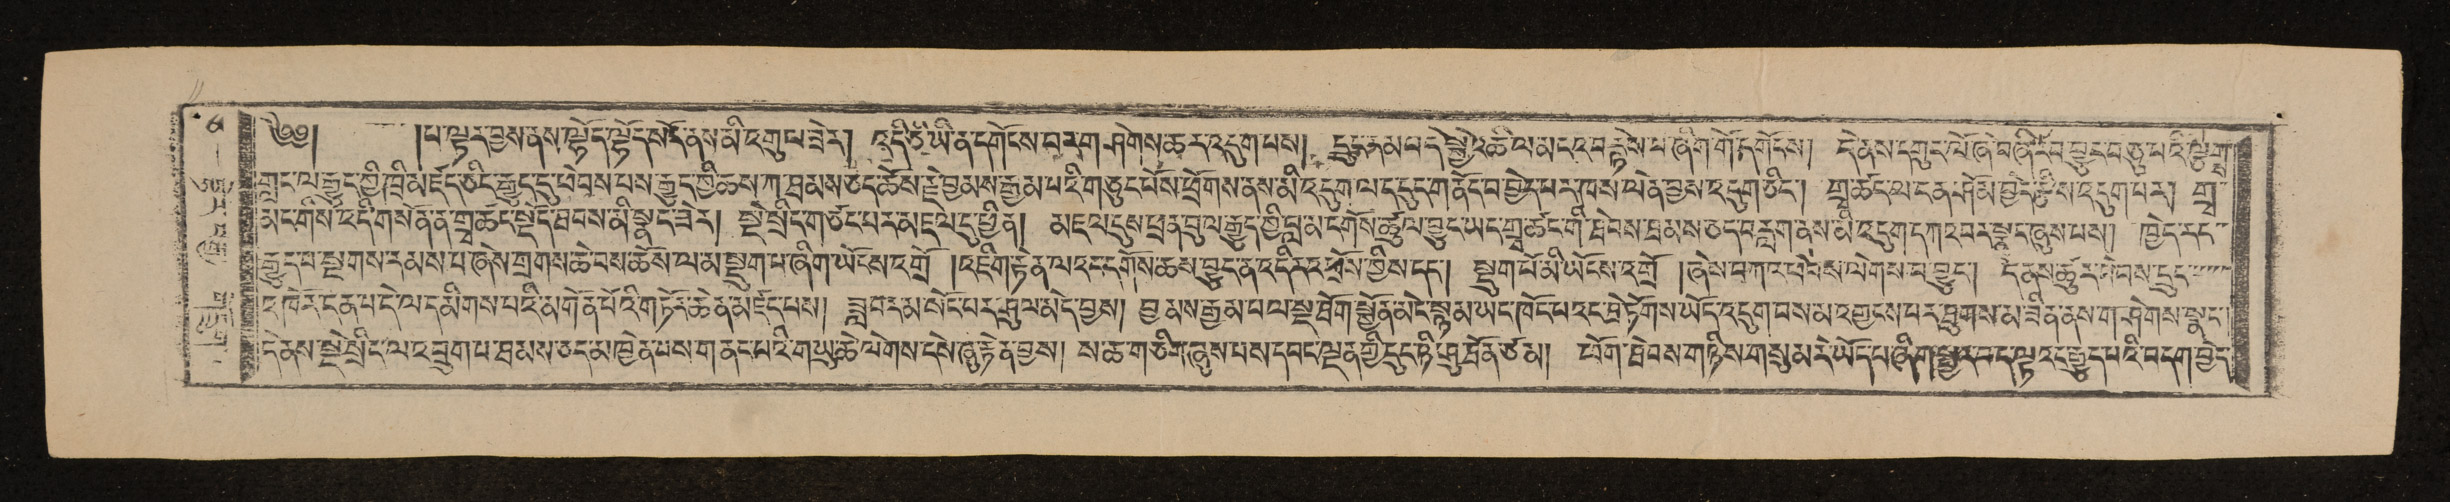༄༅། །བ་ལྟར་བྱས་ནས་ལྷོད་ལྷོད་སོང་ནས་མི་འགུལ་ཟེར། འདི་ཅི་ཡིན་དགོངས་པར་གཤེགས་ཚར་འདུག་པས། དྲུང་རམ་པ་དེ་སྐྱེ་འཆི་ལ་མངའ་བརྙེས་པ་ཞིག་གོ་དགོངས། དེ་ནས་དགུང་ལོ་ཞེ་བཞི་རབ་བྱུང་བཅུ་པའི་ལྕགས་
གླང་ལ་རྒྱུད་ཀྱི་ཁྲི་མཛད་ཅིང་རྒྱུད་དུ་ཕེབས་པས་རྒྱུད་ཀྱི་ཆས་ཀ་ཐམས་ཅད་ཆོས་རྗེ་བྱམས་རྒྱམ་པའི་གཅུང་པོས་ཕྲོགས་ནས་མི་འདུག་ལ་ད་དུང་གནོད་པ་བྱེད་པར་ཁས་ལེན་བྱས་འདུག་ཅིང་། གྲྭ་ཚང་ལ་ངན་ཤོམ་བྱེད་རྩིས་འདུག་བར། གྲྭ་
མང་གིས་འདི་གསོན་ན་གྲྭ་ཚང་སྡོད་ཐབས་མི་སྣང་ཟེར། སྡེ་སྲིད་གཙང་པར་མཇལ་དུ་ཕྱིན། མཇལ་དུས་ཕྲན་བུ་ལ་རྒྱུད་ཀྱི་བླ་མ་དགོས་ཚུལ་བྱུང་ཡང་གྲྭ་ཚང་གི་ཐེབས་ཐམས་ཅད་བརླག་ནས་མི་འདུག་དཀའ་བར་སྣང་ཞུས་པས། ཁྱེད་རང་
རྒྱུད་པ་སྔགས་རམས་པ་ཞེས་གྲགས་ཆེ་བས་ཆོས་ལ་མ་སྡུག་པ་ཞིག་ཡོངས་འགྲོ་།འཇིག་རྟེན་ལའང་དགོས་ཆས་བྱུང་ན་འདིར་འབྲོས་ཀྱིས་དང་། སྡུག་པོ་མི་ཡོངས་འགྲོ་།ཞེས་བཀའ་ཕེབས་ལེགས་པ་བྱུང་། དེ་ནས་ཚུར་ཕེབས་དྲུང་
འཁོར་ངན་པ་དེ་ལ་དམིགས་པའི་མགོན་པོའི་གཏོར་ཆེན་མཛད་པས། ཟླ་བར་མ་སོང་བར་ཤུལ་མེད་བྱས། བྱམས་རྒྱ་མ་པ་ལ་སྔ་ཐོག་སྐྱོན་མེད་སྙམ་ཡང་ཁོང་པའང་ཐེ་ཏོགས་ཡོད་འདུག་པས་མ་འགྱངས་པར་ཐུགས་མ་ཟིན་ནས་གཤེགས་སྣང་།
དེ་ནས་སྡེ་སྲིད་ལ་འབྲུག་པ་ཐམས་ཅད་མཁྱེན་པས་གནང་བའི་གཡུ་ཆེ་ལེགས་ངེས་ཞུ་རྟེན་བྱས། ས་ཆ་གཅིག་ཞུས་པས་དབང་ལྡན་གྱི་དུད་ཉི་ཤུ་ཐོན་ཙམ། ཕོག་ཐེབས་གཉིས་གསུམ་རེ་ཡོད་པ་ཞིག་སྦྱར་བ་ད་ལྟའང་རྒྱུད་པའི་བདག་བྱེད་